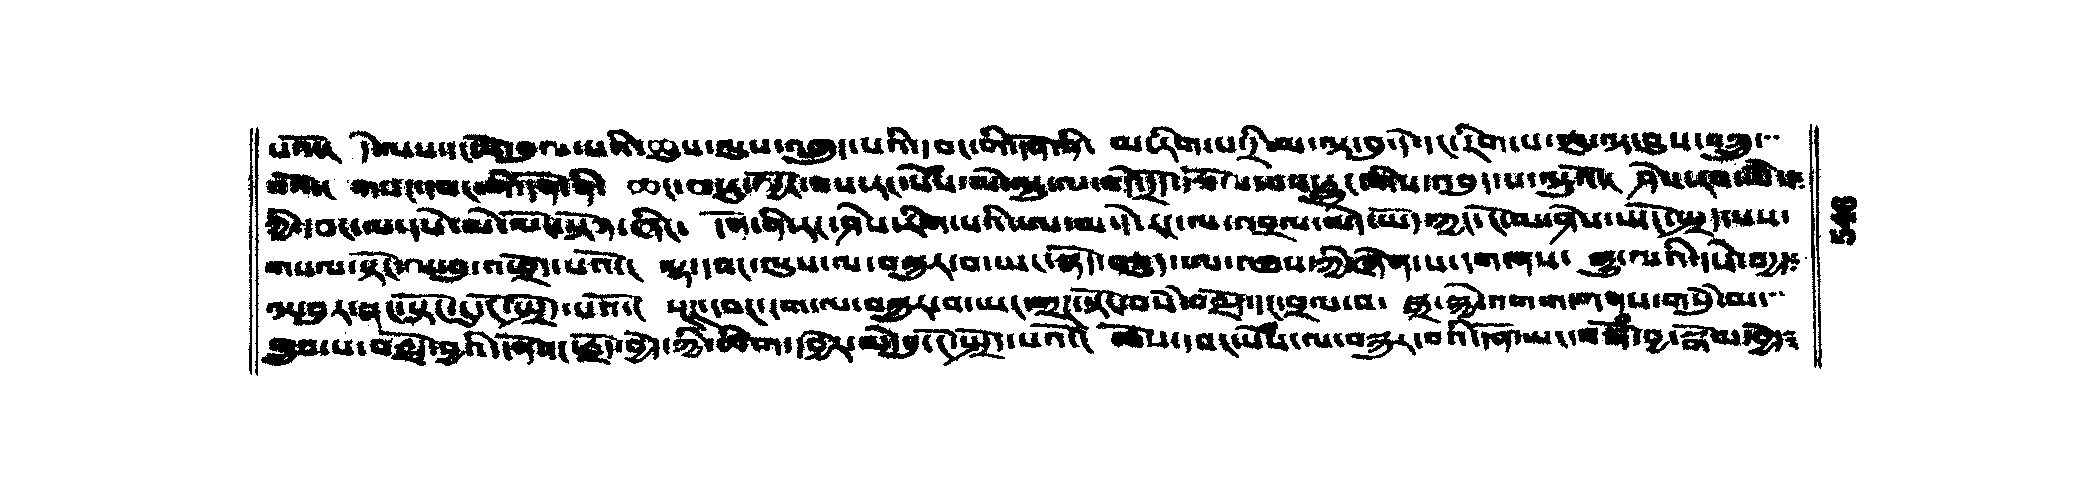པའོ། དེ་ལས་དང་པོ་བུམ་པའི་ཆུས་ལུས་འཁྲུད་པའི་དབང་གི་དོན་ནི། མ་རིག་པ་དྲི་མ་ལྟ་བུ་དེ་དང་རིག་པ་ཆུ་ལྟ་བུས་བཀྲུ་
པའོ། གསང་དབང་གི་དོན་ནི། ཆང་ཁ་རུ་མྱོང་བས་རང་སེམས་མེ་ལྟ་བུ་ལ་བདེ་དྲོད་རྩོལ་བས་རླུང་གིས་འབུད་པ་ལྟ་བུའོ། ཤེས་རབ་ཡེ་ཤེས་
ཀྱི་དབང་ལ་དཔེ་མེ་ལོང་བསྟན་ཞིང་། དོན་ནི་རང་ཤེས་རིག་པའི་ཨ་མ་དེ་རང་ལ་འབྲལ་མེད་ཡོད་ཀྱང་ངོ་མ་ཤེས་པ་ངོ་སྤྲད་པས་
གསལ་སྟོང་མ་བུ་འཕྲོད་པའོ། ལྷ་དབང་ལུས་ལ་བསྐུར་བ་ཡང་སྣོད་བཅུད་ཨ་འཐས་ཀྱི་ཞེན་པ་དག་ནས། སྒྱུ་མའི་དཔེ་བརྒྱད་
ལྟ་བུ་སྣང་སྟོང་དུ་ངོ་སྤྲོད་པའོ། སྔགས་དབང་ངག་ལ་བསྐུར་བ་ཡང་གྲགས་སྟོང་བསམ་བརྗོད་དང་བྲལ་བ། སྒྲ་སྐྱེ་འགག་གནས་གསུམ་མ་
གྲུབ་པ་བརྗོད་བྱའི་དོན་རྗོད་བྱེད་ཀྱི་ཚིག་དབྱེར་མེད་དུ་ངོ་སྤྲོད་པའོ། ཆོས་་དབང་སེམས་ལ་བསྐུར་བའི་དོན་ཡང་བསྒོམ་བྱ་སྒོམ་བྱེད་